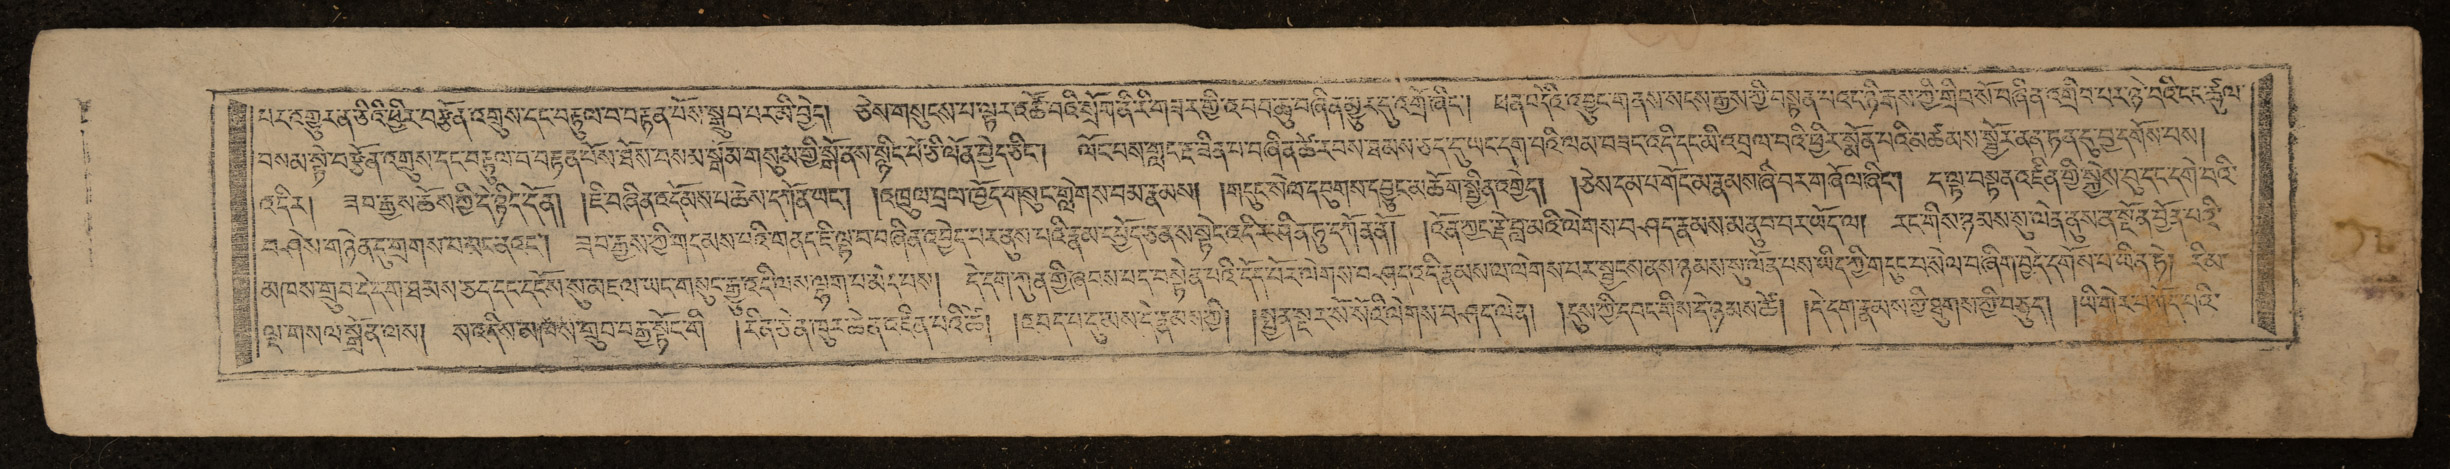པར་འགྱུར་ན་ཅིའི་ཕྱིར་བརྩོན་འགྲུས་དང་བརྟུལ་བ་བརྟན་པོས་སྒྲུབ་པར་མི་བྱེད། ཅེས་གསུངས་པ་ལྟར་འཚོ་བའི་སྲོག་ནི་རི་གཟར་གྱི་འབབ་ཆུ་བཞིན་མྱུར་དུ་འགྲོ་ཞིང་། ཕན་བདེའི་འབྱུང་གནས་སངས་རྒྱས་ཀྱི་བསྟན་པའང་ཉི་རྒས་ཀྱི་གྲིབ་སོ་བཞིན་འགྲིབ་པར་ཉེ་བའི་ངང་ཚུལ་
བསམ་སྟེ་བརྩོན་འགྲུས་དང་བརྟུལ་བ་བརྟན་པོས་ཐོས་བསམ་སྒོམ་གསུམ་གྱི་སྒོ་ནས་སྙིང་པོ་ཅི་ལོན་བྱེད་ཅིང་། ལོང་བས་གླང་རྔ་ཟིན་པ་བཞིན་ཚེ་རབས་ཐམས་ཅད་དུ་ཡང་དག་པའི་ལམ་བཟང་འདི་དང་མི་འབྲལ་བའི་ཕྱིར་སྨོན་པའི་མཚམས་སྦྱོར་ནན་ཏན་དུ་བྱ་དགོས་པས།
འདིར། ཟབ་རྒྱས་ཆོས་ཀྱི་དེ་ཉིད་དོན། །ཇི་བཞིན་འདོམས་པ་ཆེས་དཀོན་ཡང་། །འཁྲུལ་བྲལ་ཁྱོད་གསུང་གླེགས་བམ་རྣམས། །གདུང་སེལ་དབུགས་དབྱུང་མཆོག་སྦྱིན་འགྱེད། །ཅས་དམ་བ་གོང་མ་རྣམས་ཞི་བར་གཞོལ་ཞིང་། ད་ལྟ་བསྟན་འཛིན་གྱི་སྐྱེས་བུ་དང་དགེ་བའི་
བཤེས་གཉེན་དུ་གྲགས་པ་མང་ནའང་། ཟབ་རྒྱས་ཀྱི་གདམས་པའི་གནད་ཇི་ལྟ་བ་བཞིན་འབྱེད་པར་ནུས་པའི་རྣམ་དཔྱོད་ཅན་ས་སྟེང་འདིར་ཤིན་ཏུ་དཀོན་ནོ། །འོན་ཀྱང་རྗེ་བླ་མའི་ལེགས་བཤད་རྣམས་མ་ནུབ་པར་ཡོད་ལ། རང་གིས་ཉམས་སུ་ལེན་ནུས་ན་སྔོན་བྱོན་པའི་
མཁས་གྲུབ་དེ་དག་ཐམས་ཅད་དང་དངོས་སུ་མཇལ་ཡང་གསུང་རྒྱུ་འདི་ལས་ལྷག་པ་མེད་པས། དེ་དག་ཀུན་གྱི་ཞབས་པད་བསྟེན་པའི་དོད་པོར་ལེགས་བཤད་འདི་རྣམས་ལ་ལེགས་པར་སྦྱངས་ནས་ཉམས་སུ་ལོན་པས་ཡིད་ཀྱི་གདུང་བ་སེལ་བ་ཞིག་བྱེད་དགོས་པ་ཡིན་ཏེ། རིམ་
ལྔ་གསལ་སྒྲོན་ལས། ས་འདིས་མཁས་གྲུབ་བརྒྱ་སྟོང་གི །རིན་ཆེན་ཁུར་ཆེན་འཛིན་པའི་ཚེ། །འབད་པ་དུ་མས་དེ་རྣམས་ཀྱི། །སྤྱན་སྔར་སོ་སོའི་ལེགས་བཤད་ལེན། །དུས་ཀྱི་དབང་གིས་དེ་ཉམས་ཚེ། །དེ་དག་རྣམས་ཀྱི་ཐུགས་ཀྱི་བཅུད། །ཡི་གེར་བཀོད་པའི་